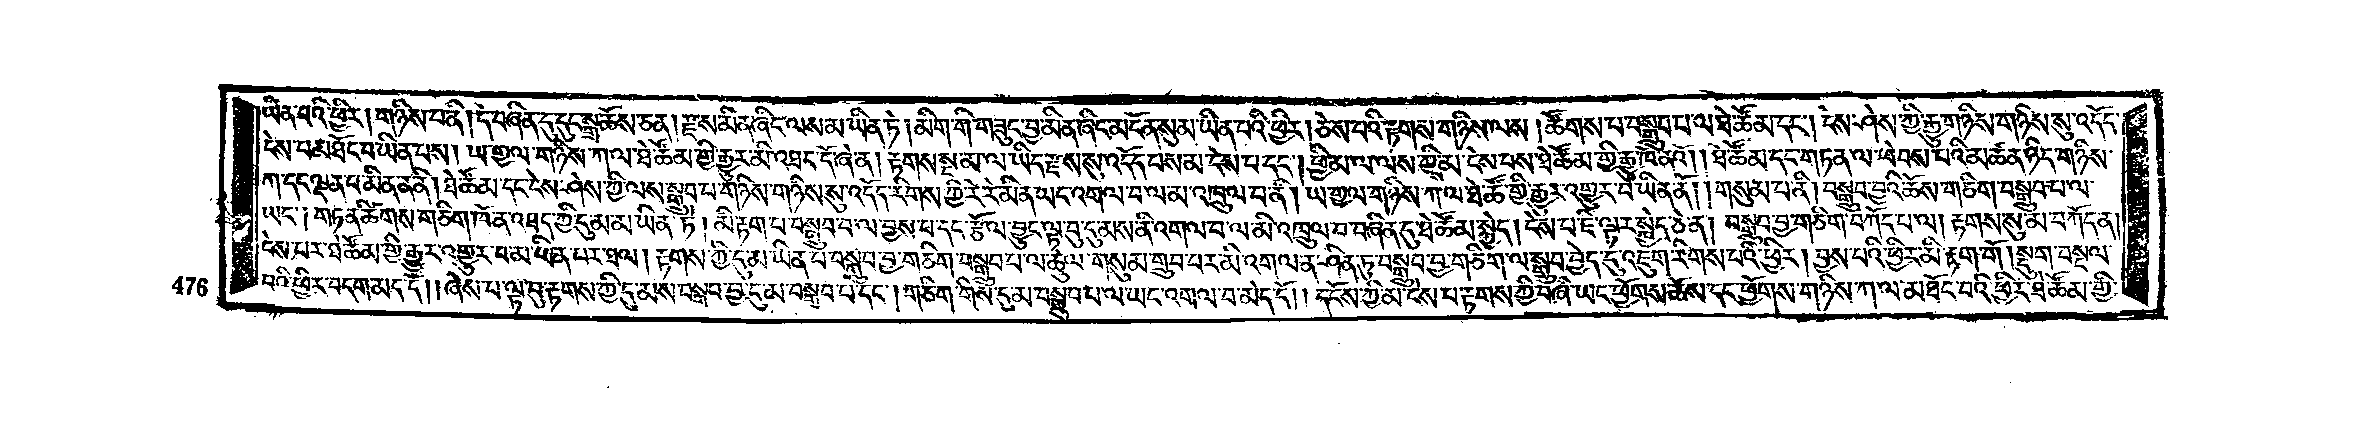ཡིན་པའི་ཕྱིར། གཉིས་པ་ནི། དེ་བཞིན་དུ་དུང་སྒྲ་ཆོས་ཅན། རྫས་མིན་ཞིང་ལས་མ་ཡིན་ཏེ། མིག་གི་གཟུང་བྱ་མིན་ཞིང་མངོན་སུམ་ཡིན་པའི་ཕྱིར། ཅེས་པའི་རྟགས་གཉིས་ལས། ཚོགས་པ་བསྒྲུབ་པ་ལ་ཐེ་ཚོམ་དང་། ངེས་ཤེས་ཀྱི་རྒྱུ་གཉིས་གཉིས་སུ་འདོད་
ངེས་པ་མཐོང་བ་ཡིན་པས། ཡ་གྱལ་གཉིས་ཀ་ལ་ཐེ་ཚོམ་གྱི་རྒྱུར་མི་འཐད་དོ་ཞེ་ན། རྟགས་སྔ་མ་ལ་ཡིད་རྫས་སུ་འདོད་པས་མ་ངེས་པ་དང་། ཕྱི་མ་ལ་ལས་ཀྱིས་མ་ངེས་པས་ཐེ་ཚོམ་གྱི་རྒྱུ་ཁོ་ནའོ། །ཐེ་ཚོམ་དང་གཏན་ལ་ཕེབས་པའི་མཚན་ཉིད་གཉིས་
ཀ་དང་ལྡན་པ་མིན་ན་ནི། ཐེ་ཚོམ་དང་ངེས་ཤེས་ཀྱི་ལས་སྒྲུབ་པ་གཉིས་གཉིས་སུ་འདོད་རིགས་ཀྱི་རེ་རེ་མིན་ཡང་འགལ་བ་ལ་མ་འཁྲུལ་པ་ནི། ཡ་གྱལ་གཉིས་ཀ་ལ་ཐེ་ཚོ་གྱི་རྒྱུར་འགྱུར་པ་ཡིན་ནོ། །གསུམ་པ་ནི། བསྒྲུབ་བྱའི་ཆོས་གཅིག་བསྒྲུབ་པ་ལ་
ཡང༑ གཏན་ཚིགས་གཅིག་ཁོ་ན་འཐད་ཀྱི་དུ་མ་མ་ཡིན་ཏེ། མི་རྟག་པ་བསྒྲུབ་པ་ལ་བྱས་པ་དང་རྩོལ་བྱུང་ལྟ་བུ་དུ་མས་ནི་འགལ་བ་ལ་མི་འཁྲུལ་པ་བཞིན་དུ་ཐེ་ཚོམ་སྐྱེད། ངེས་པ་ཇི་ལྟར་སྐྱེད་ཅེ་ན། བསྒྲུབ་བྱ་གཅིག་བཀོད་པ་ལ། རྟགས་སུ་མ་བཀོད་ན།
ངེས་པར་ཐེ་ཚོམ་གྱི་རྒྱུར་འགྱུར་པ་མ་ཡིན་པར་ཐལ། རྟགས་ཀྱི་དུ་མ་ཡིན་པ་བསྒྲུབ་བྱ་གཅིག་བསྒྲུབ་པ་ལ་ཚུལ་གསུམ་གྲུབ་པར་མི་འགལ་ན་ཤིན་ཏུ་བསྒྲུབ་བྱ་གཅིག་ལ་སྒྲུབ་བྱེད་དུ་འཇུག་རིགས་པའི་ཕྱིར། བྱས་པའི་ཕྱིར་མི་རྟག་གོ །སྡུག་བསྔལ་
བའི་ཕྱིར་བདག་མེད་དོ། །ཞེས་པ་ལྟ་བུ་རྟགས་ཀྱི་དུ་མས་བསྒྲུབ་བྱ་དུ་མ་བསྒྲུབ་པ་དང་། གཅིག་གིས་དུ་མ་བསྒྲུབ་པ་ལ་ཡང་འགལ་བ་མེད་དོ། །དངོས་ཀྱི་མ་ངེས་པ་རྟགས་ཀྱི་བཞི་ཡང་ཕྱོགས་ཆོས་དང་ཕྱོགས་གཉིས་ཀ་ལ་མཐོང་བའི་ཕྱིར་ཐེ་ཚོམ་གྱི་